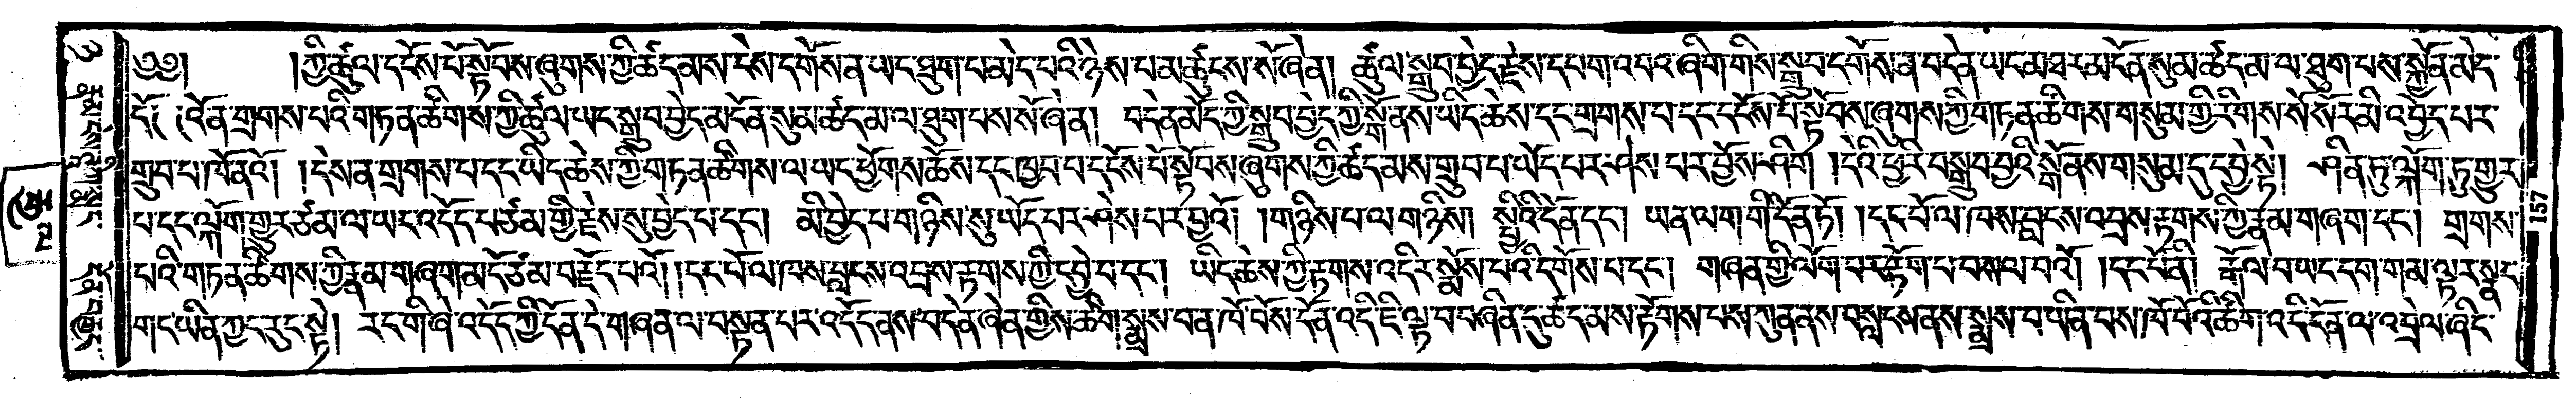༄༅། །ཀྱི་ཚུལ་དངོས་པོ་སྟོབས་ཞུགས་ཀྱི་ཚད་མས་ངེས་དགོས་ན་ཡང་ཐུག་པ་མེད་པའི་ཉེས་པ་མཚུངས་སོ་ཞེ་ན། ཚུལ་སྒྲུབ་བྱེད་རྗེས་དཔག་འབའ་ཞིག་གིས་སྒྲུབ་དགོས་ན་བདེན་ཡང་མཐར་མངོན་སུམ་ཚད་མ་ལ་ཐུག་པས་སྐྱོན་མེད་
དོ༑ ༑འོ་ན་གྲགས་པའི་གཏན་ཚིགས་ཀྱི་ཚུལ་ཡང་སྒྲུབ་བྱེད་མངོན་སུམ་ཚད་མ་ལ་ཐུག་པས་སོ་ཞེ་ན། བདེན་མོད་ཀྱི་སྒྲུབ་བྱེད་ཀྱི་སྒོ་ནས་ཡིད་ཆེས་དང་གྲགས་པ་དང་དངོས་པོ་སྟོབས་ཞུགས་ཀྱི་གཏན་ཚིགས་གསུམ་གྱི་རིགས་སོ་སོར་མི་འབྱེད་པར་
གྲུབ་པ་ཁོ་ནའོ། །དེས་ན་གྲགས་པ་དང་ཡིད་ཆེས་ཀྱི་གཏན་ཚིགས་ལ་ཡང་ཕྱོགས་ཆོས་དང་ཁྱབ་པ་དངོས་པོ་སྟོབས་ཞུགས་ཀྱི་ཚད་མས་གྲུབ་པ་ཡོད་པར་ཤེས་པར་བྱོས་ཤིག །དེའི་ཕྱིར་བསྒྲུབ་བྱའི་སྒོ་ནས་གསུམ་དུ་དབྱེ་སྟེ། ཤིན་ཏུ་ལྐོག་ཏུ་གྱུར་
པ་དང་ལྐོག་གྱུར་ཙམ་ལ་ཡང་འདོད་པ་ཙམ་གྱི་རྗེས་སུ་བྱེད་པ་དང་། མི་བྱེད་པ་གཉིས་སུ་ཡོད་པར་ཤེས་པར་བྱའོ། །གཉིས་པ་ལ་གཉིས། སྤྱིའི་དོན་དང་། ཡན་ལག་གི་དོན་ཏོ། །དང་པོ་ལ་ཁས་བླངས་འབྲས་རྟགས་ཀྱི་རྣམ་གཞག་དང་། གྲགས་
པའི་གཏན་ཚིགས་ཀྱི་རྣམ་གཞག་མདོ་ཙམ་བརྗོད་པའོ། །དང་པོ་ལ་ཁས་བླངས་འདྲས་རྟགས་ཀྱི་དབྱེ་བ་དང་། ཡིད་ཆེས་ཀྱི་རྟགས་འདིར་སྨོས་པའི་དགོས་པ་དན།ག་གཞན་གྱི་ལོག་པར་རྟོག་པ་བསལ་བའོ། །དང་པོ་ནི། རྒོལ་བ་ཡང་དག་གམ་ལྟར་སྣང་
གང་ཡིན་ཀྱང་རུང་སྟེ། རང་གི་ཞེ་འདོད་ཀྱི་དོན་དེ་གཞན་ལ་བསྟན་པར་འདོད་ནས་བདེན་ཞེན་གྱིས་ཚིག་སྨྲས་བ་ན་ཁོ་བོས་དོན་འདི་ཇི་ལྟ་བ་བཞིན་དུ་ཚད་མས་རྟོགས་པས་ཀུན་ནས་བསླངས་ནས་སྨྲས་བ་ཡིན་པས་ཁོ་བོའི་ཚིག་འདི་དོན་ལ་འབྲེལ་ཞིང་